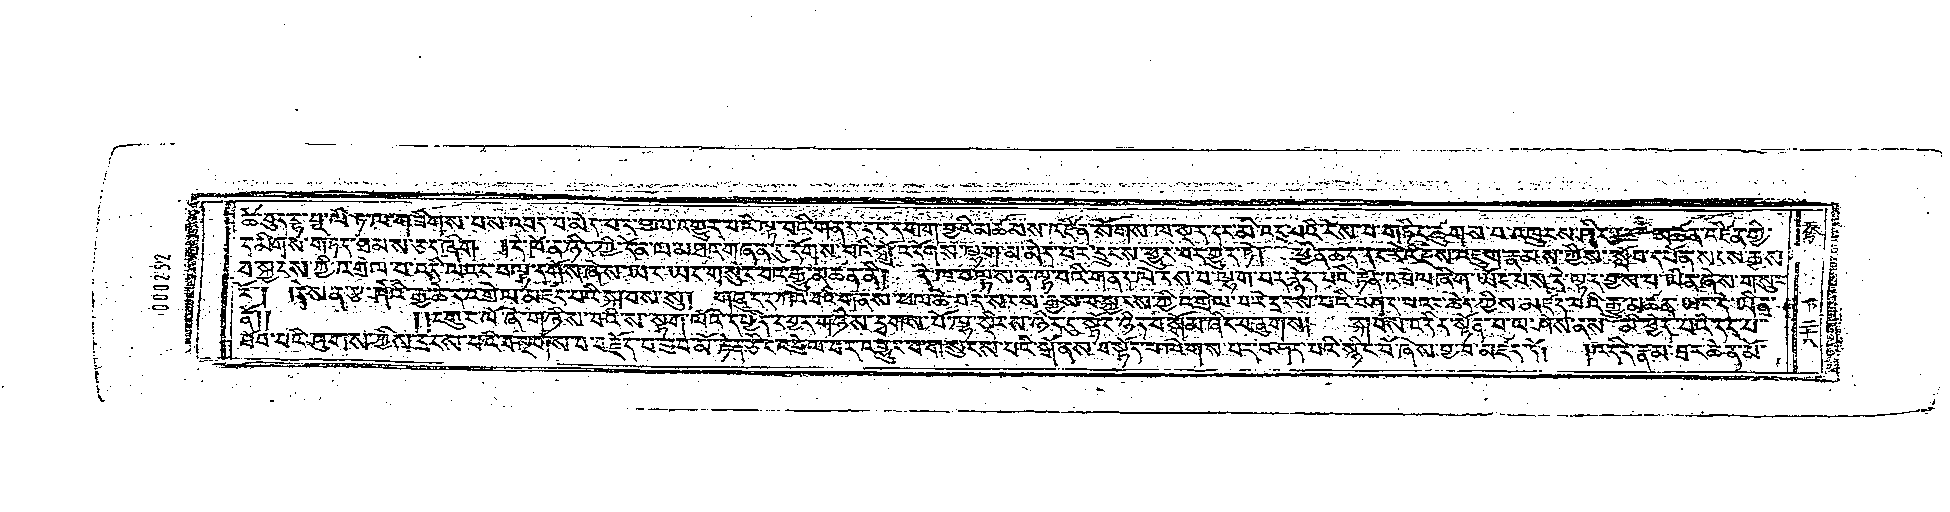ཚེ་བུདྡྷ་པཱ་ལི་ཏ་ལ་གཟིགས་པས་འབད་པ་མེད་པར་ཐལ་འགྱུར་པའི་ལྟ་བའི་གནང་དང་དགག་བྱའི་མཚམས་འཛིན་སོགས་ལ་སྔར་དང་མི་འདྲ་བའི་ངེས་པ་གཏིང་ཚུགས་པ་འཁྲུངས་ཤིང་། མཚན་འཛིན་གྱི་
དམིགས་གཏན་ཐམས་ཅད་ཞིག །དེ་ཁོ་ན་ཉིད་ཀྱི་དོན་ལ་མཐའ་གཞན་དུ་དོགས་པའི་སྒྲོ་འདོགས་ལྷག་མ་མེད་བར་དྲུངས་ཕྱུང་བར་གྱུར་ཏེ། ཕྱིན་ཆད་དང་རེའི་རྗེས་འཇུག་རྣམས་ཀྱིས་སློབ་དཔོན་སངས་རྒྱས་
བ་སྐྱངས་ཀྱི་འགྲེལ་པ་འདི་ལའང་བལྟ་དགོས་ཞེས་ཡང་ཡང་གསུང་བའི་རྒྱུ་མཚན་ནི། དེ་ལ་བལྟས་ན་ལྟ་བའི་གནད་ལ་ངེས་པ་ལྷག་པར་རྙེད་པའི་རྟེན་འབྲེལ་ཞིག་ཡོད་པས་དེ་ལྟར་བྱས་པ་ཡིན་ཞེས་གསུང་
ངོ། །དེས་ན་རྩ་ཤེའི་རྒྱ་ཆེར་འགྲེལ་མཛད་པའི་སྐབས་སུ། གཞུང་དཀའ་བའི་གནས་ཕལ་ཆེ་བར་སངས་རྒྱས་བསྐྱངས་ཀྱི་འགྲེལ་པ་རེ་དྲངས་པའི་བཤད་པའང་ཆེད་ཀྱིས་མཛད་པའི་རྒྱུ་མཚན་ཡང་དེ་ཡིན་
ནོ།། །།དགུང་ལོ་ཞེ་གཉིས་པའི་ས་སྟག་ལོའི་དཔྱད་དབྱར་གཉིས་དྭགས་པོ་ལྷ་སྡིངས་ཉིད་དུ་སྟོང་ཉིད་བསྒོམ་ཞིང་བཞུགས། སྐབས་འདིར་སྟོན་པ་ལ་ཤེས་ནས་མི་ཕྱེད་པའི་དད་པ་
ཐོབ་པའི་ཤུགས་ཀྱིས་དྲངས་པའི་བསྔགས་པ་བརྗོད་པ་ཟབ་མོ་རྟེན་ཅིང་འབྲེལ་བར་འབྱུང་བ་གསུངས་པའི་སྒོ་ནས་བསྟོད་པ་ལེགས་པར་བཤད་པའི་སྙིང་པོ་ཞེས་བྱ་བ་མཛད་དོ། །འདིར་རྣམ་ཐར་ཆེན་མོ་